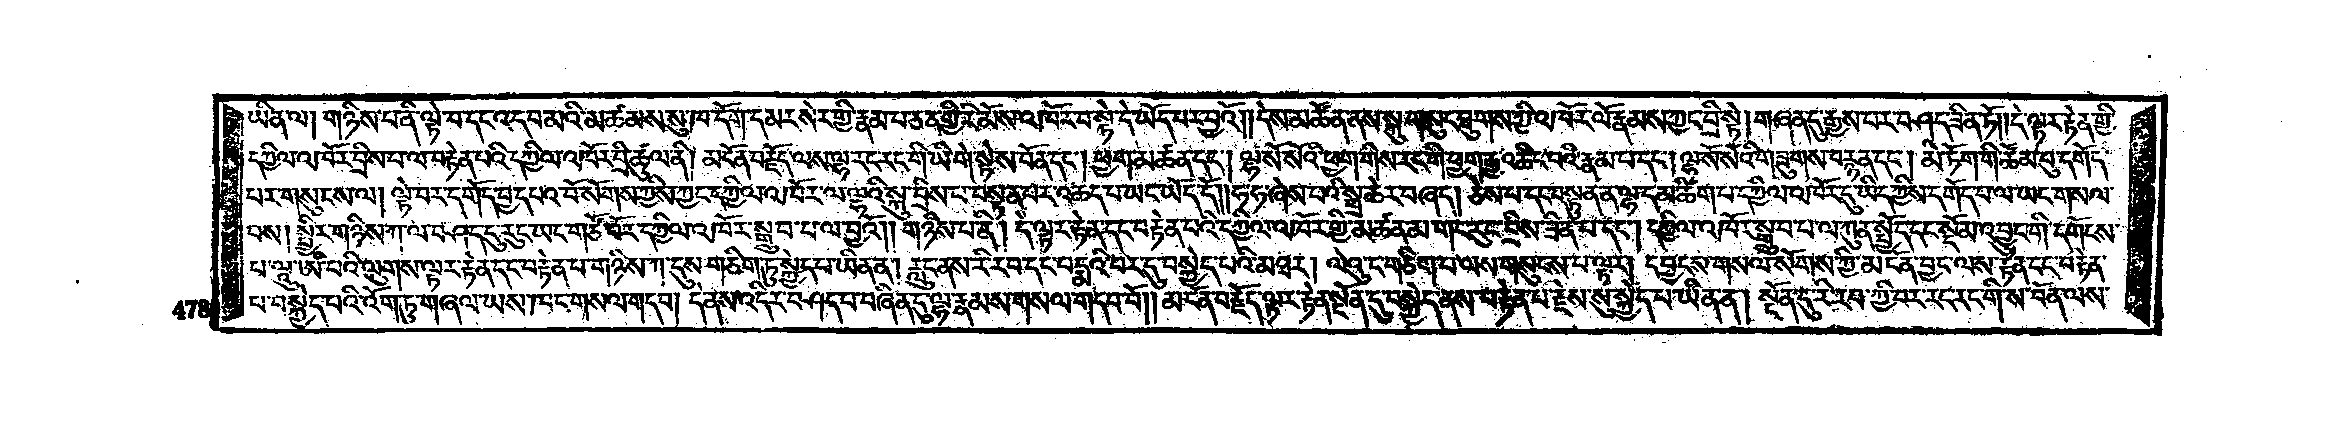ཡིན་ལ། གཉིས་པ་ནི་ལྟེ་བ་དང་འདབ་མའི་མཆམས་སུ་ཁ་དོག་དམར་སེར་གྱི་རྣམ་པ་ཅན་གྱི་རི་མོས་འཁོར་བ་སྟེ་དེ་ཡོད་པར་བྱའོ། །དེས་མཚོན་ནས་སྐུ་གསུང་ཐུགས་ཀྱི་འཁོར་ལོ་རྣམས་ཀྱང་བྲི་སྟེ། གཞན་དུ་རྒྱས་པར་བཤད་ཟིན་ཏོ། །དེ་ལྟར་རྟེན་གྱི་
དཀྱིལ་འཁོར་བྲིས་པ་ལ་བརྟེན་པའི་དཀྱིལ་འཁོར་བྲི་ཚུལ་ནི། མངོན་བརྗོད་ལས་ལྷ་རང་རང་གི་ཡི་གེ་སྟེ་ས་བོན་དང་། ཕྱག་མཚན་དང་། ལྷ་སོ་སོའི་ཕྱག་གིས་རང་གི་ཕྱག་རྒྱ་འཆིང་བའི་རྣམ་པ་དང་། ལྷ་སོ་སོའི་གཟུགས་བརྙན་དང་། མེ་ཏོག་གི་ཚོམ་བུ་དགོད་
པར་གསུངས་ལ། ལྟེ་བར་དགོད་བྱ་དཔའ་བོ་སོགས་ཀྱིས་ཀྱང་དཀྱིལ་འཁོར་ལ་ལྷའི་སྐུ་བྲིས་པ་བསྟན་པར་འཆད་པ་ཡང་ཡོད་དོ། །ཧ་ཧ་ཞེས་པའི་སྒྲ་ཆེར་བཞད། ཅེས་པ་དང་བསྟུན་ན་ལྷ་དམ་ཚིག་པ་དཀྱིལ་འཁོར་དུ་ཡིད་ཀྱིས་དགོད་པ་ལ་ཡང་གསལ་
བས། སྤྱིར་གཉིས་ཀ་ལ་བཤད་དུ་རུང་ཡང་གཙོ་བོར་དཀྱིལ་འཁོར་སྒྲུབ་པ་ལ་བྱའོ། །གཉིས་པ་ནི། དེ་ལྟར་རྟེན་དང་བརྟེན་པའི་དཀྱིལ་འཁོར་གྱི་མཚན་མ་གང་རུང་བྲིས་ཟིན་པ་དང་། དཀྱིལ་འཁོར་སྒྲུབ་པ་ལ་ཀུན་སྤྱོད་དང་སྡོམ་འབྱུང་གི་དགོངས་
པ་ལཱུ་ཨི་པའི་ལུགས་ལྟར་རྟེན་དང་བརྟེན་པ་གཉིས་ཀ་དུས་གཅིག་ཏུ་སྐྱེད་པ་ཡིན་ན། རླུང་ནས་རི་རབ་དང་པདམའི་བར་དུ་བསྐྱེད་པའི་མཐར། ལེའུ་ང་གཅིག་པ་ལས་གསུངས་པ་ལྟར། དབྱངས་གསལ་སོགས་ཀྱི་མངོན་བྱང་ལས་རྟེན་དང་བརྟེན་
པ་བསྐྱེད་པའི་འོག་ཏུ་གཞལ་ཡས་ཁང་གསལ་གདབ། དེ་ནས་འདིར་བཤད་པ་བཞིན་དུ་ལྷ་རྣམས་གསལ་གདབ་བོ། །མངོན་བརྗོད་ལྟར་རྟེན་སྔོན་དུ་བསྐྱེད་ནས་བརྟེན་པ་རྗེས་སུ་སྐྱེད་པ་ཡིན་ན། སྔོན་དུ་རི་རབ་ཀྱི་བར་རང་རང་གི་ས་བོན་ལས་